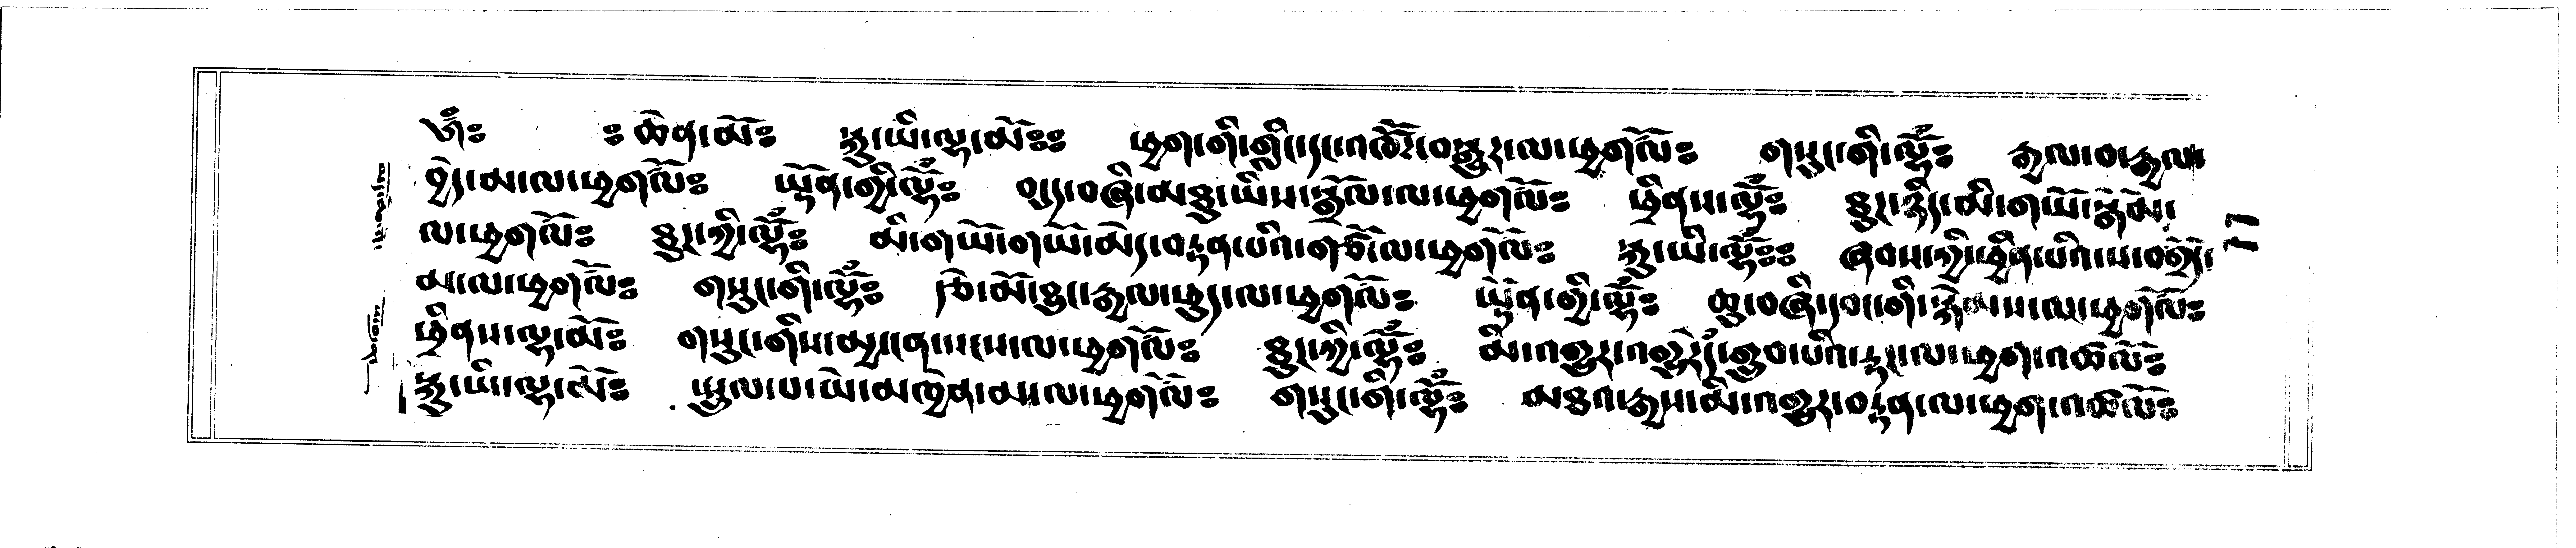ཆེན་མོཿ སྐུ་ཡི་ལྷ་མོཿ གསལ་བ་ནམ་མཁའི་མདངས་ལྡན་མ་ལ་ཕྱག་འཚལ་ལོཿ གསུང་གི་ལྷ་མོཿ རྒྱལ་བ་རྒྱལ་
བྱེད་མ་ལ་ཕྱག་འཚལ་ལོཿ ཡོན་ཏན་གྱི་ལྷ་མོཿ བདུད་བཞི་མཐུ་ཡིས་སྒྲོལ་ལ་ཕྱག་འཚལ་ལོཿ ཕྲིན་ལས་ཀྱི་ལྷ་མོཿ ཐུགས་ཉིད་མི་གཡོ་སྒོམ་
ལ་ཕྱག་འཚལ་ལོཿ ཐུགས་ཀྱི་ལྷ་མོཿ མི་གཡོ་གཡོ་མེད་བརྟན་པའི་གཙོ་ལ་ཕྱག་འཚལ་ལོཿ སྐུ་ཡི་ལྷ་མོཿ ཞབས་ཀྱི་ཕྱིན་པར་ས་བགྲོད་
མ་ལ་ཕྱག་འཚལ་ལོཿ གསུང་གི་ལྷ་མོཿ རྩེ་མོ་བྱུང་རྒྱལ་ཕུད་ལ་ཕྱག་འཚལ་ལོཿ ཡོན་ཏན་གྱི་ལྷ་མོཿ ཆུ་བཞི་དབང་གིས་སྐེམ་ལ་ཕྱག་འཚལ་ལོཿ 
ཕྲིན་ལས་ཀྱི་ལྷ་མོཿ གསུང་གིས་མྱ་ངན་སངས་ལ་ཕྱག་འཚལ་ལོཿ ཐུགས་ཀྱི་ལྷ་མོཿ མི་འགྱུར་འགྱུར་མེད་གྲུབ་པའི་རྟགས་ལ་ཕྱག་འཚལ་ལོཿ 
སྐུ་ཡི་ལྷ་མོཿ སྤྲུལ་པ་ཡེ་མཁྱེན་མ་ལ་ཕྱག་འཚལ་ལོཿ གསུང་གི་ལྷ་མོཿ མཐའ་རྒྱས་མི་འགྱུར་བརྟན་ལ་ཕྱག་འཚལ་ལོཿ